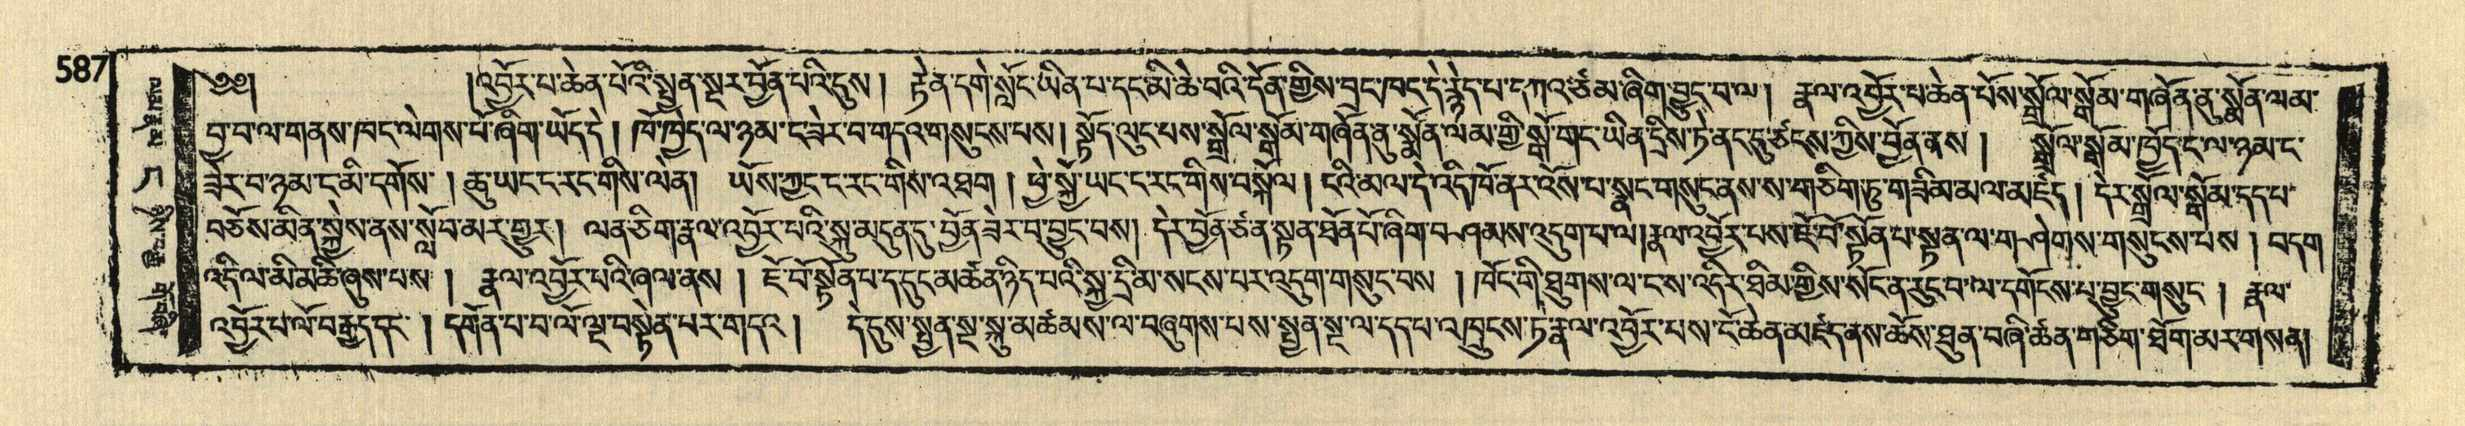༄༅། །འབྱོར་པ་ཆེན་པོའི་སྤྱན་སྔར་བྱོན་པའི་དུས། རྟེན་དགེ་སློང་ཡིན་པ་དང་མི་ཆེ་བའི་དོན་གྱིས་བྲང་ཁང་དེ་རྙེད་པ་དཀའ་ཙམ་ཞིག་བྱུང་བ་ལ། རྣལ་འབྱོར་པ་ཆེན་པོས་སྒྲོལ་སྒོམ་གཞོན་ནུ་སྨོན་ལམ་
བྱ་བ་ལ་གནས་ཁང་ལེགས་པོ་ཞིག་ཡོད་དེ། ཁོ་ཁྱེད་ལ་ཉམ་ང་ཟེར་བ་གདའ་གསུངས་པས། སྟོད་ལུང་པས་སྒྲོལ་སྒོམ་གཞོན་ནུ་སྨོན་ལམ་གྱི་སྒོ་གང་ཡིན་དྲིས་ཏེ་ནང་དུ་ཙངས་ཀྱིས་བྱོན་ནས། སྒྲོལ་སྒོམ་ཁྱོད་ང་ལ་ཉམ་ང་
ཟེར་བ་ཉམ་ང་མི་དགོས་།ཆུ་ཡང་ང་རང་གིས་ལེན། ཡོས་ཀྱང་ང་རང་གིས་འཐག ། ཕྱེ་སྐྱོ་ཡང་ང་རང་གིས་བསྐོལ། ངའི་མལ་དེ་འདི་ཁོ་ནར་འོས་པ་སྣང་གསུང་ནས་ས་གཅིག་ཏུ་གཟིམ་མལ་མཛད་། དེར་སྒྲོལ་སྒོམ་དད་པ་
བཅོས་མིན་སྐྱེས་ནས་སློབ་མར་གྱུར། ལན་ཅིག་རྣལ་འབྱོར་པའི་སྐུ་མདུན་དུ་བྱོན་ཟེར་བ་བྱུང་བས། དེར་བྱོན་ཙ་ན་སྟན་ཐོན་པོ་ཞིག་བཤམས་འདུག་པ་ལ། རྣལ་འབྱོར་པས་ཇོ་བོ་སྟོན་པ་སྟན་ལ་གཤེགས་གསུངས་པས་། བདག་
འདིལ་མི་མཆི་ཞུས་པས་། རྣལ་འབྱོར་པའི་ཞལ་ནས་། ཇོ་བོ་སྟོན་པ་ད་དུང་མཚན་ཉིད་པའི་སྐྱ་དྲི་མ་སངས་པར་འདུག་གསུང་བས་།ཁོང་གི་ཐུགས་ལ་ངས་འདིར་ཐིམ་གྱིས་སོང་ན་རུང་བ་ལ་དགོངས་པ་བྱུང་གསུང་།རྣལ་
འབྱོར་པ་ལོ་བརྒྱད་དང་། དགོན་པ་བ་ལོ་ལྔ་བསྟེན་པར་གདའ། དེ་དུས་སྤྱན་སྔ་སྐུ་མཚམས་ལ་བཞུགས་པས་སྤྱན་སྔ་ལ་དད་པ་འཁྲུངས་ཏེ་རྣལ་འབྱོར་པས་ངོ་ཆེན་མཛད་ནས་ཆོས་ཐུན་བཞི་ཚན་གཅིག་ཐོག་མར་གསན།